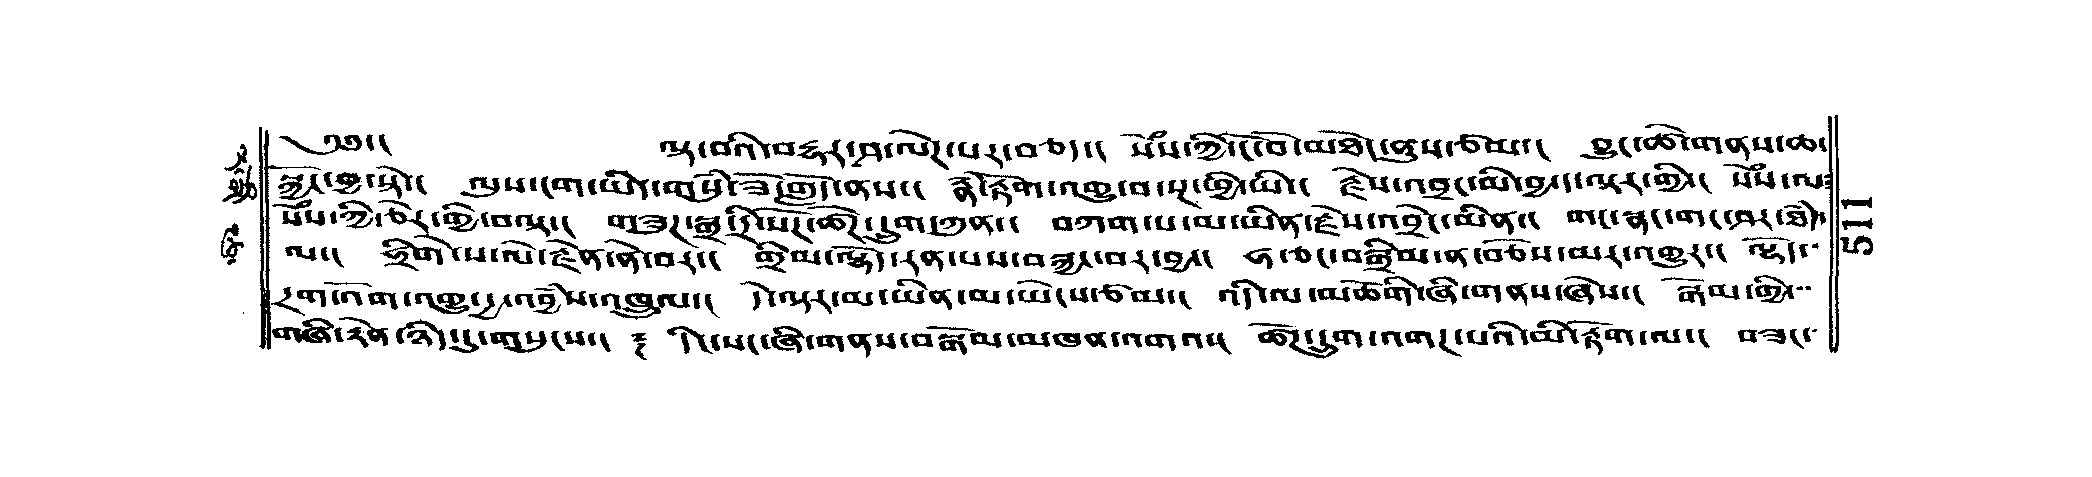།ལྟ་བའི་བརྡར་ཤ་ལེགས་པར་བཅད། །སེམས་ཀྱི་ངོ་བོ་མཐོང་ནུས་ཙམ། །བྱུང་ཚེ་གནས་ཆ་
སྐྱོང་བྱ་སྟེ། །ལུས་ངག་ཡིད་གསུམ་ཟོ་གློད་ནས། །རྣམ་རྟོག་འགྱུ་བ་སྔ་ཕྱི་ཡི། །རྗེས་འབྲང་མི་བྱ་དེ་ལྟར་གྱི། །སེམས་ལ་
སེམས་ཀྱི་ཅེར་གྱི་བལྟ། །གཟུགས་སྒྲ་དྲི་སོགས་ཚོགས་དྲུག་ཀུན། །བཀག་པ་མ་ཡིན་རྗེས་འབྲང་མིན། །གང་སྣང་གང་ཤར་ཐམས་ཅད་
ལ། །ཧྲིག་གེ་ས་ལེ་རྗེན་ནེ་བར། །གྲིམ་ལྷོད་རན་པས་བསྐྱང་བར་བྱ། །ཧ་ཅང་བསྒྲིམ་ན་བཅོས་མར་འགྱུར། །ལྷོད་
དྲག་འོག་འགྱུ་རྒྱ་འབྱམས་འཁྲུལ། །དེ་ལྟར་མ་ཡིན་མ་ཡེངས་ཙམ། །འདི་ལ་མཆོག་གི་ཞི་གནས་ཞེས། །སྒོམ་གྱི་
གཞི་རྟེན་ཉིད་དུ་གསུངས། ༈ དིང་སང་ཞི་གནས་བསྒོམ་མཁན་འགའ། །ཚོགས་དྲུག་འགགས་པའི་མི་རྟོག་ལ། །བཟང་